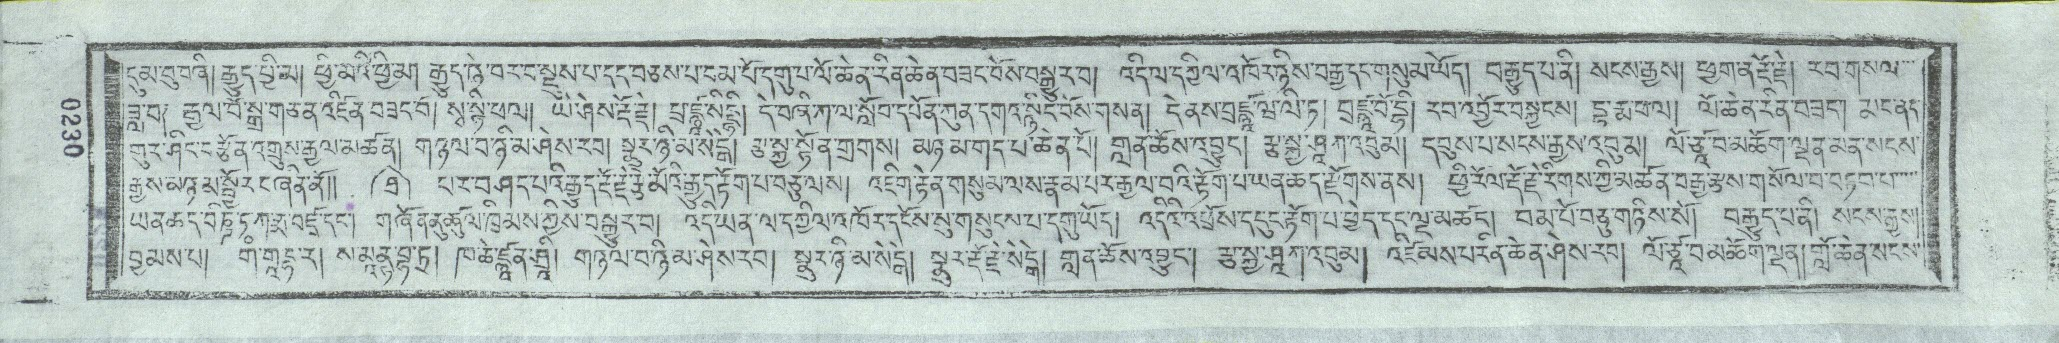དུམ་བུ་བཞི། རྒྱུད་ཕྱི་མ། ཕྱི་མའི་ཕྱི་མ། རྒྱུད་ཉེ་བར་བ་བསྡུས་པ་དང་བཅས་པ་བམ་པོ་དགུ་པ་ལོ་ཆེན་རིན་ཆེན་བཟང་པོས་བསྒྱུར་བ། འདི་ལ་དཀྱིལ་འཁོར་ཉིས་བརྒྱ་དང་གསུམ་ཡོད། བརྒྱུད་པ་ནི། སངས་རྒྱས། ཕྱག་ན་རྡོ་རྗེ། རབ་གསལ་
ཟླ་བ༑ རྒྱལ་བོ་སྒྲ་གཅན་འཛིན་བཟང་པོ། སྭ་སྟི་ཕལ། ཡེ་ཤེས་རྡོ་རྗེ། པྲ་ཛྙཱ་སིདྡྷི། དེ་བཞི་ཀ་ལ་སློབ་དཔོན་ཀུན་དགའ་སྙིང་བོས་གསན། དེ་ནས་བྲཛྙཱ་ཝ་ལི་ཏ། བྲཛྙཱ་བོ་དྷི། རབ་འབྱོར་བསྐྱངས། དྷ་རྨ་ཕ་ལ། ལོ་ཆེན་རིན་བཟང་། མང་ནད་
གུར་ཤིང་བརྩོན་འགྲུས་རྒྱལ་མཚན། གཉལ་བ་ཉི་མ་ཤེས་རབ། སྣུར་ཉི་མ་སེངྒེ། རྩ་སྐྱ་སྟོན་གྲགས། མཉམ་གད་པ་ཆེན་པོ། གླན་ཆོས་འབྱུང་། རྩ་སྐྱ་ཤཱ་ཀ་འབུམ། དབུས་པ་སངས་རྒྱས་འབུམ། ལོ་ཙཱ་བ་མཆོག་ལྡན་མན་སངས་
རྒྱས་མཉམ་སྦྱོར་བཞིན་ནོ།། {ཐ}་པར་བཤད་པའི་རྒྱུད་རྡོ་རྗེ་རྩེ་མོའི་རྒྱུད་རྟོག་པ་བཅུ་ལས། འཇིག་རྟེན་གསུམ་ལས་རྣམ་པར་རྒྱལ་བའི་རྟོག་པ་ཡན་ཆད་རྫོགས་ནས། ཕྱི་རོལ་རྡོ་རྗེ་རིགས་ཀྱི་མཚན་བརྒྱ་རྩས་གསོལ་བ་བཏབ་པ་
ཡན་ཆད་བིཎྜ་ཏ་ཀརྨ་བཛྲ་དང་། གཞོན་ནུ་ཚུལ་ཁྲིམས་ཀྱིས་བསྒྱུར་བ། འདི་ཡན་ལ་དཀྱིལ་འཁོར་དངོས་སུ་གསུངས་པ་དགུ་ཡོད། འདིའི་འཕྲོས་དྡུང?་རྟོག་པ་ཕྱེད་དང་ལྔ་མཚང་། བམ་པོ་བཅུ་གཉིས་སོ། བརྒྱུད་པ་ནི། སངས་རྒྱས་
བྱམས་པ། གཾ་གཱ་དྷ་ར། སམྰྣྟ་བྷ་ཏྲ། ཁ་ཆེ་ཛྙཱ་ན་ཤྲཱི། གཉལ་བ་ཉི་མ་ཤེས་རབ། སྣུར་ཉི་མ་སེངྒེ། སྣུར་རྡོ་རྗེ་སེངྒེ། གླན་ཆོས་འབྱུང་། རྩ་སྐྱ་ཤཱཀ་འབུམ། འཛིམས་པ་རིན་ཆེན་ཤེས་རབ། ལོ་ཙཱ་བ་མཆོག་ལྡན། གློ་ཆེན་སངས་